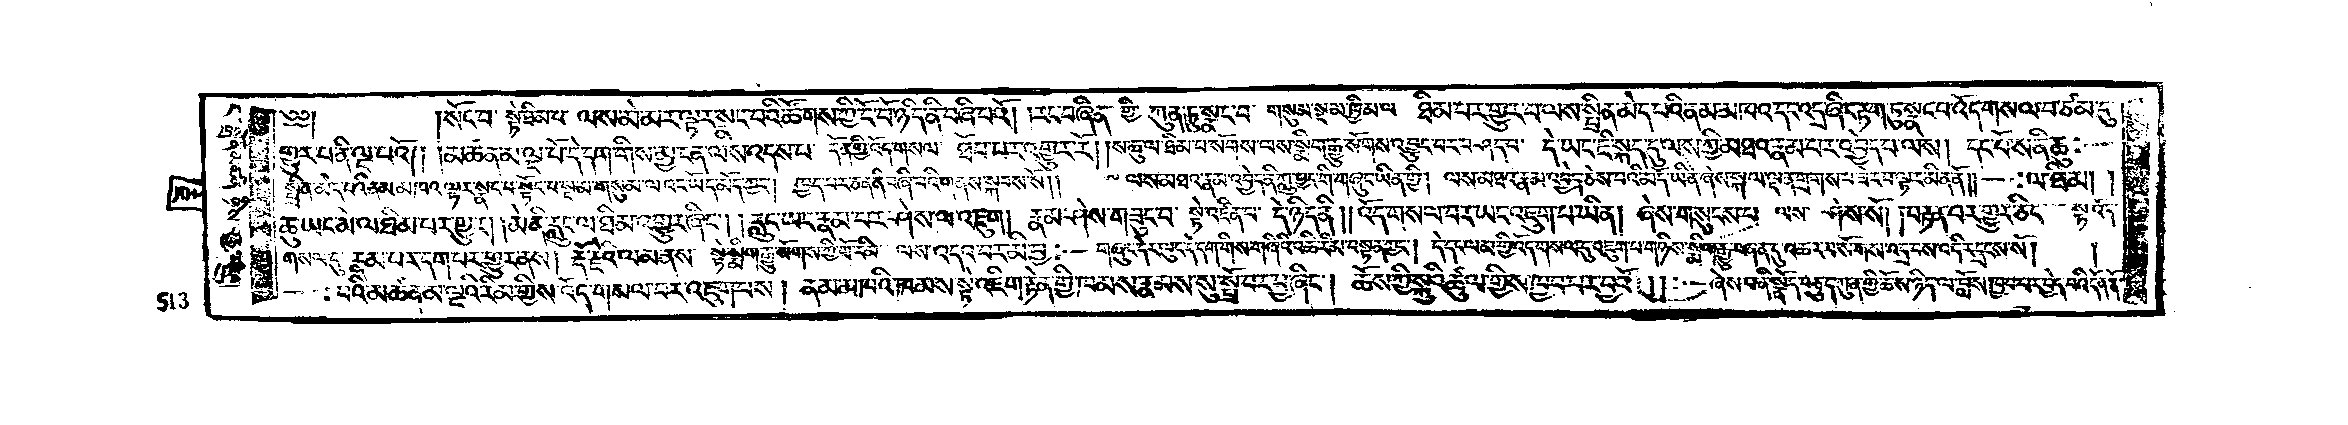༄༅། །སོང་བ་སྟེ་ཐིམ་པ་ལས་མེ་མར་ལྟར་སྣང་བའི་ཚོགས་ཀྱི་ངོ་བོ་ཉིད་ནི་བཞི་པའོ། །རང་བཞིན་གྱི་ཀུན་ཏུ་སྣང་བ་གསུམ་སྔ་མ་ཕྱི་མ་ལ་ཐིམ་པར་གྱུར་པ་ལས་སྤྲིན་མེད་པའི་ནམ་མཁའ་དང་འདྲ་ཞིང་རྟག་ཏུ་སྣང་བ་འོད་གསལ་བ་ཙམ་དུ་
གྱུར་པ་ནི་ལྔ་པའོ། །མཚན་མ་ལྔ་པོ་དེ་དག་གིས་མྱ་ངན་ལས་འདས་པ་དོན་གྱི་འོད་གསལ་ཐོབ་པར་འགྱུར་རོ། །ས་ཆུ་ལ་ཐིམ་པ་སོགས་ལས་སྨིག་རྒྱུ་སོགས་འབྱུང་བར་བཤད་པ་དེ་ཡང་ཇི་སྐད་དུ་ལས་ཀྱི་མཐའ་རྣམ་པར་འབྱེད་པ་ལས། དང་པོ་ས་ནི་ཆུ་
སྤྲིན་མེད་པའི་ནམ་མཁའ་ལྟར་སྣང་བ་སྟོང་པ་སྔ་མ་གསུམ་ལའང་ཡོད་མོད་ཀྱང་། ཁྱད་པར་ཅན་ནི་བཞི་པའི་གནས་སྐབས་སོ།། ༧ལས་མཐའ་རྣམ་འབྱེད་ནི་ཀླུ་བྱང་གི་གཞུང་ཡིན་གྱི། ལས་མཐའ་རྣམ་འབྱེད་ཅེས་པའི་མདོ་ཡིན་ཞེས་སྐལ་ལྡན་གྲགས་པ་ཟེར་བ་ལྟར་མིན་ནོ།།  ལ་ཐིམ། །
ཆུ་ཡང་མེ་ལ་ཐིམ་པར་གྱུར། །མེ་ནི་རླུང་ལ་ཐིམ་འགྱུར་ཞིང་། །རླུང་ཡང་རྣམ་པར་ཤེས་ལ་འཇུག །རྣམ་ཤེས་གཟུང་བ་སྟེ་འཛིན་པ་དེ་ཉིད་ནི། །འོད་གསལ་བར་ཡང་འཇུག་པ་ཡིན། ཞེས་གསུངས་པ་ལས་ཤེས་སོ། །བརྟན་པར་གྱུར་ཅིང་སྟེ་འོད་
གསལ་དུ་རྣམ་པར་དག་པར་གྱུར་ནས། རྡོ་རྗེའི་ལམ་ནས་སྟེ་སྨིག་རྒྱུ་སོགས་ཀྱི་གོ་རིམ་ལས་འདའ་བར་མི་བྱ་གཞུང་དེར་ལུང་དེ་དག་གིས་གཞིའི་འཆི་རིམ་བསྟན་ཀྱང་། དེ་དང་ལམ་གྱི་འོད་གསལ་དུ་འཇུག་པ་གཉིས་སྨིག་རྒྱུ་བཞིན་དུ་འཆར་བ་སོགས་འདྲ་བས་འདིར་དྲངས་སོ། །
པའི་མཚན་མ་ལྔའི་རིམ་གྱིས་འོད་གསལ་བར་འཇུག་པས། ནམ་མཁའི་ཁམས་སྟེ་འཇིག་རྟེན་གྱི་ཁམས་རྣམས་སུ་སྤྲོ་བར་བྱ་ཞིང་། ཆོས་ཀྱི་སྐུའི་ཚུལ་གྱིས་ཁྱབ་པར་བྱའོ། ། ཞེས་པ་ནི་སྣོད་བཅུད་ཀུན་གྱི་ཆོས་ཉིད་ལ་བློས་ཁྱབ་པར་བྱེད་པའི་དོན་ནོ།།